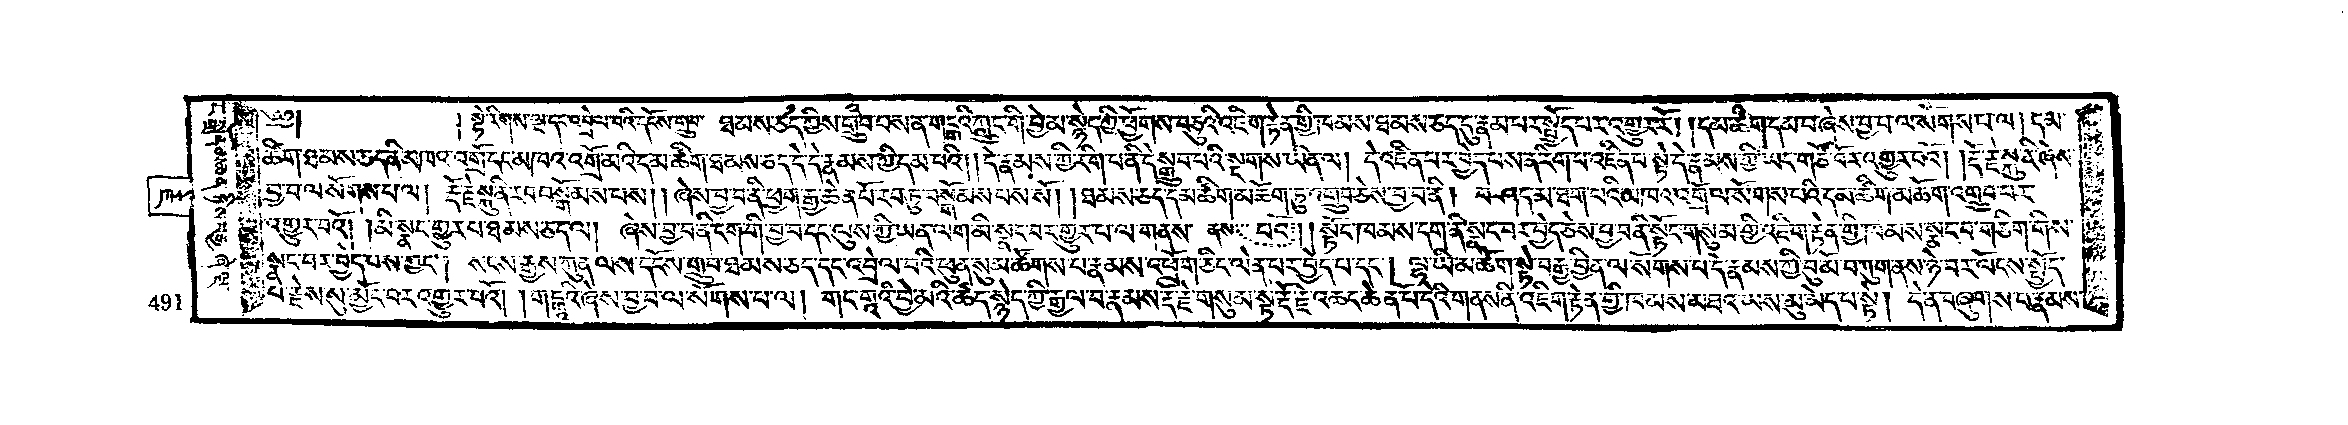༄༅། །སྟེ་རིགས་ལྔ་དང་འབྲེལ་བའི་དངོས་གྲུབ་ཐམས་ཅད ༡་ཀྱི་གྲུབ ༢་པས་ན་གངྒཱའི་ཀླུང་གི་བྱེ་མ་སྙེད་ཀྱི་ཕྱོགས་བཅུའི་འཇིག་རྟེན་གྱི་ཁམས་ཐམས་ཅད་དུ་རྣམ་པར་སྤྱོད་པར་འགྱུར་རོ། །དམ་ཚིག་དམ་པ་ཞེས་བྱ་བ་ལ་སོགས་པ་ལ། དམ་
ཚིག་ཐམས་ཅད་ནི་མཁའ་འགྲོ་དང་མཁའ་འགྲོ་མའི་དམ་ཚིག་ཐམས་ཅད་དེ་དེ་རྣམས་ཀྱི་དམ་པའོ། །དེ་རྣམས་ཀྱི་རིག་པ་ནི་དེ་སྒྲུབ་པའི་སྔགས་ཡིན་ལ། དེ་འཛིན་པར་བྱེད་པས་ན་རིག་པ་འཛིན་པ་སྟེ་དེ་རྣམས་ཀྱི་ཡང་གཙོ་བོར་འགྱུར་བའོ། །རྡོ་རྗེ་སྐུ་ནི་ཞེས་
བྱ་བ་ལ་སོགས་པ་ལ། རྡོ་རྗེ་སྐུ་ནི་རབ་བསྒོམས་པས། །ཞེས་བྱ་བ་ནི་ཕྱག་རྒྱ་ཆེན་པོ་རབ་ཏུ་བསྒོམས་པས་སོ། །ཐམས་ཅད་དམ་ཚིག་མཆོག་ཏུ་འགྲུབ་ཅེས་བྱ་བ་ནི། བཤད་མ་ཐག་པའི་མཁའ་འགྲོ་ལ་སོགས་པའི་དམ་ཚིག་མཆོག་འགྲུབ་པར་
འགྱུར་བའོ། །མི་སྣང་གྱུར་པ་ཐམས་ཅད་ལ། ཞེས་བྱ་བ་ནི་ངག་གི་བྱ་བ་དང་ལུས་ཀྱི་ཡན་ལག་མི་སྣང་བར་གྱུར་པ་ལ་གནས་ནས་པའོ། །སྟོང་ཁམས་དག་ནི་སྣང་བར་བྱེད་ཅེས་བྱ་བ་ནི་སྟོང་གསུམ་གྱི་འཇིག་རྟེན་གྱི་ཁམས་སྣང་བ་གཅིག་གིས་
སྣང་བར་བྱེད་པས་ཀྱང་། སངས་རྒྱས་ཀུན་ལས་དངོས་གྲུབ་ཐམས་ཅད་དང་འབྲེལ་བའི་ཕུན་སུམ་ཚོགས་པ་རྣམས་འཕྲོག་ཅིང་ལེན་པར་བྱེད་པ་དང་། ལྷ་ཡི་མཆོག་སྟེ་བརྒྱ་བྱིན་ལ་སོགས་པ་དེ་རྣམས་ཀྱི་བུ་མོ་བཀུག་ནས་ཉེ་བར་ལོངས་སྤྱོད་
པ་རྗེས་སུ་མྱོང་བར་འགྱུར་པའོ། །གངྒཱའི་ཞེས་བྱ་བ་ལ་སོགས་པ་ལ། གང་གཱའི་བྱེ་མའི་ཚད་སྙེད་ཀྱི་རྒྱལ་བ་རྣམས་རྡོ་རྗེ་གསུམ་སྟེ་རྡོ་རྗེ་འཆང་ཆེན་པོ་དེའི་གནས་ནི་འཇིག་རྟེན་གྱི་ཁམས་མཐའ་ཡས་མུ་མེད་པ་སྟེ། དེ་ནི་བཞུགས་པ་རྣམས་